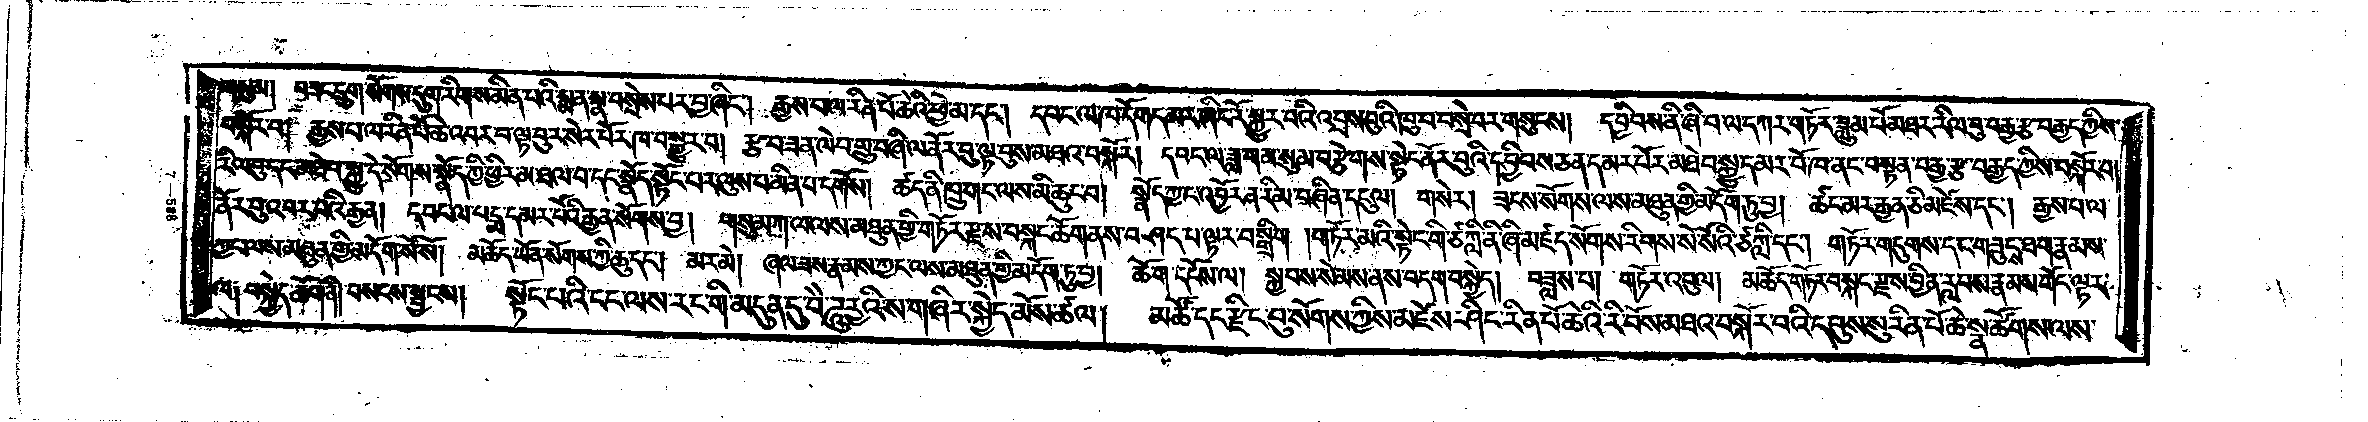གསུམ། བཟང་དྲུག་སོགས་དུག་རིགས་མིན་པའི་སྨན་སྣ་བསྲེས་པར་བྱ་ཞིང་། རྒྱས་པ་ལ་རིན་པོ་ཆེའི་ཕྱེ་མ་དང་། དབང་ལ་ཁ་དོག་དམར་ཞིང་རོ་སྐྱུར་བའི་འབྲས་བུའི་ཁུ་བ་བསྲེ་བར་གསུངས། དབྱིབས་ནི་ཞི་བ་ལ་དཀར་གཏོར་ཟླུམ་པོ་མཐར་རིལ་བུ་བརྒྱ་རྩ་བརྒྱད་ཀྱིས་
བསྐོར་བ། རྒྱས་པ་ལ་རིན་པོ་ཆེ་འབར་བ་ལྟ་བུར་སེར་པོར་ཁ་བསྒྱུར་བ། རྩ་བ་ཟན་ལེབ་གྲུབ་བཞི་ལ་ནོར་བུ་ལྟ་བུས་མཐའ་བསྐོར། དབང་ལ་ཟླ་གམ་སུམ་བརྩེགས་སྟེང་ནོར་བུའི་དབྱིབས་ཅན་དམར་པོ་མཐེབ་སྐྱུ་དམར་པོ་ཁ་ནང་བསྟན་བརྒྱ་རྩ་བརྒྱད་ཀྱིས་བསྐོར་བ།
རིལ་བུ་དང་མཐེབ་སྐྱུ་དེ་སོགས་སྣོད་ཀྱི་ཕྱིར་མ་ཐལ་བ་དང་སྣོད་སྟོང་པར་ལུས་པ་མིན་པ་དགོས། ཚད་ནི་ཁྲུ་གང་ལས་མི་ཆུང་བ། སྣོད་ཀྱང་འབྱོར་ན་རིམ་བཞིན་དངུལ། གསེར། ཟངས་སོགས་ལས་མཐུན་གྱི་མདོག་ཏུ་བྱ། ཚད་མར་རྒྱན་ཅི་མཛེས་དང་། རྒྱས་པ་ལ་
ནོར་བུ་འབར་བའི་རྒྱན། དབང་ལ་པདམ་དམར་པོའི་རྒྱན་སོགས་བྱ། གསུམ་ཀ་ལ་ལས་མཐུན་གྱི་གཏོར་རྫས་བསྐང་ཆོག་ནས་བཤད་པ་ལྟར་བསྒྲིག །གཏོར་མའི་སྟེང་གི་ཙཀླི་ནི་ཞི་མཛད་སོགས་རིགས་སོ་སོའི་ཙཀླི་དང་། གཏོར་གདུགས་དང་གཟུངས་ཐག་རྣམས་
ཀྱང་ལས་མཐུན་གྱི་མདོག་སོ་སོ། མཆོད་ཡོན་སོགས་ཀྱི་ཆུ་དང་། མར་མེ། ཞལ་ཟས་རྣམས་ཀྱང་ལས་མཐུན་གྱི་མདོག་ཏུ་བྱ། ཆོ་ག་དངོས་ལ། སྐྱབས་སེམས་ནས་བདག་བསྐྱེད། བཟླས་པ། གཏོར་འབུལ། མཆོད་གཏོར་བསྐང་རྫས་བྱིན་རླབས་རྣམས་གོང་ལྟར་
ལ། བསྐྱེད་ཆོག་བསངས་སྦྱངས། སྟོང་པའི་ངང་ལས་རང་གི་མདུན་དུ་བཻཌཱུརྱའི་ས་གཞིར་སྐྱེད་མོས་ཚལ། མཚོ་དང་རྫིང་བུ་སོགས་ཀྱིས་མཛེས་ཤིང་རིན་པོ་ཆེའི་རི་བོས་མཐའ་བསྐོར་བའི་དབུས་སུ་རིན་པོ་ཆེ་སྣ་ཚོགས་ལས་